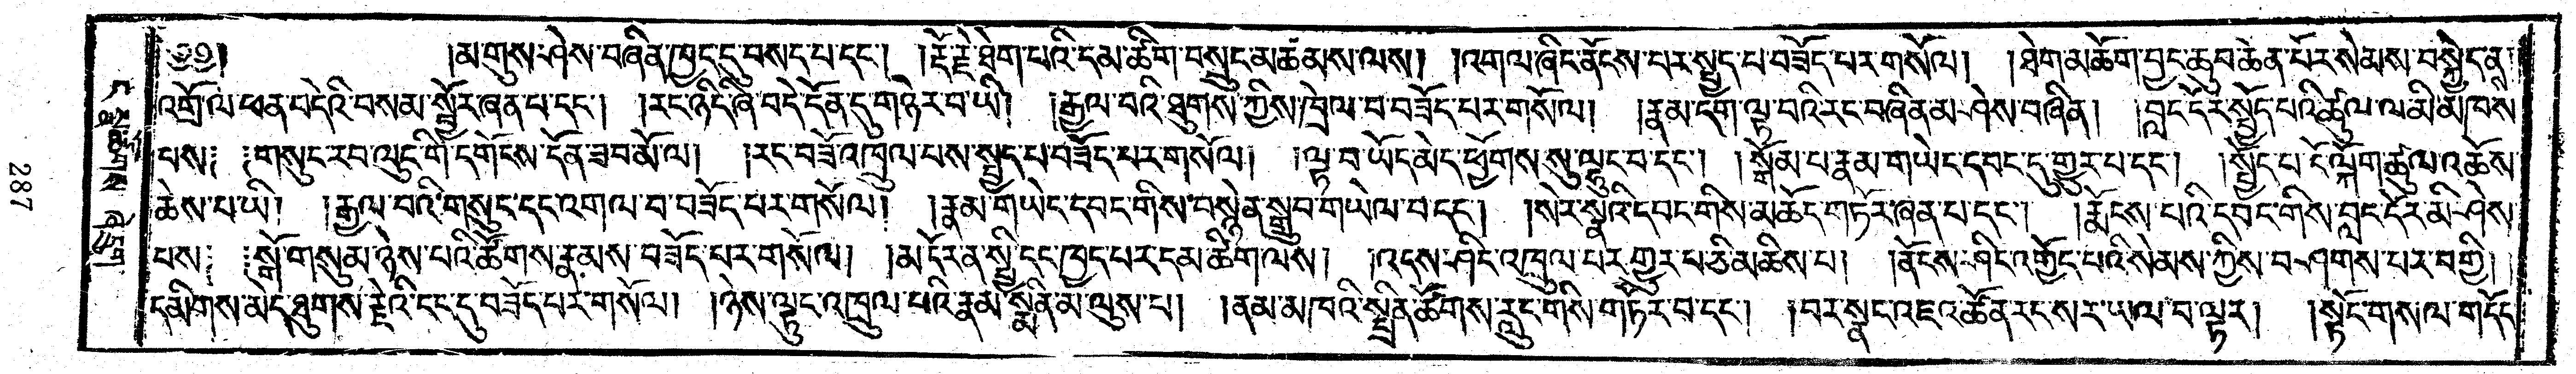༄༅། །མ་གུས་ཤེས་བཞིན་ཁྱད་དུ་བསང་པ་དང་། །རྡོ་རྗེ་ཐེག་པའི་དམ་ཚིག་བསྲུང་མཚམས་ལས། །འགལ་ཞིང་ནོངས་པར་སྤྱད་པ་བཟོད་པར་གསོལ། །ཐེག་མཆོག་བྱང་ཆུབ་ཆེན་པོར་སེམས་བསྐྱེད་ནས་
འགྲོ་ལ་ཕན་བདེའི་བསམ་སྦྱོར་ཞན་པ་དང་། །རང་ཉིད་ཞི་བདེ་དོན་དུ་གཉེར་བ་ཡི། །རྒྱལ་བའི་ཐུགས་ཀྱིས་ཁྲེལ་བ་བཟོད་པར་གསོལ། །རྣམ་དག་ལྟ་བའི་རང་བཞིན་མ་ཤེས་བཞིན། །བླང་དོར་སྤྱོད་པའི་ཚུལ་ལ་མི་མཁས་
པས༑ ༑གསུང་རབ་ལུང་གི་དགོངས་དོན་ཟབ་མོ་ལ། །རང་བཟོ་འཁྲུལ་པས་སྤྱད་པ་བཟོད་པར་གསོལ། །ལྟ་བ་ཡོད་མེད་ཕྱོགས་སུ་ལྷུང་བ་དང་། །སྒོམ་པ་རྣམ་གཡེང་དབང་དུ་གྱུར་པ་དང་། །སྤྱོང་བ་ངོ་ལྐོག་ཚུལ་འཆོས་
ཆེས་པ་ཡི། །རྒྱལ་བའི་གསུང་དང་འགལ་བ་བཟོད་པར་གསོལ། །རྣམ་གཡེང་དབང་གིས་བསྙེན་སྒྲུབ་གཡེལ་བ་དང་། །སེར་སྣའི་དབང་གིས་མཆོད་གཏོར་ཞན་པ་དང་། །རྨོངས་པའི་དབང་གིས་བླང་དོར་མི་ཤེས་
པས༑ ༑སྒོ་གསུམ་ཉེས་པའི་ཚོགས་རྣམས་བཟོད་པར་གསོལ། །མདོར་ན་སྤྱི་དང་ཁྱད་པར་དམ་ཚིག་ལས། །འདས་ཤིང་འཁྲུལ་པར་གྱུར་པ་ཅི་མཆིས་པ། །ནོངས་ཤིང་འགྱོད་པའི་སེམས་ཀྱིས་བཤགས་པར་བགྱི། །
དམིགས་མེད་ཐུགས་རྗེའི་དང་དུ་བཟོད་པར་གསོལ། །ཉེས་ལྟུང་འཁྲུལ་པའི་རྣམ་སྨིན་མ་ལུས་པ། །ནམ་མཁའི་སྤྲིན་ཚོགས་རླུང་གིས་གཏོར་བ་དང་། །བར་སྣང་འཇའ་ཚོན་རང་སར་ཡལ་བ་ལྟར། །སྟོང་གསལ་གདོང་